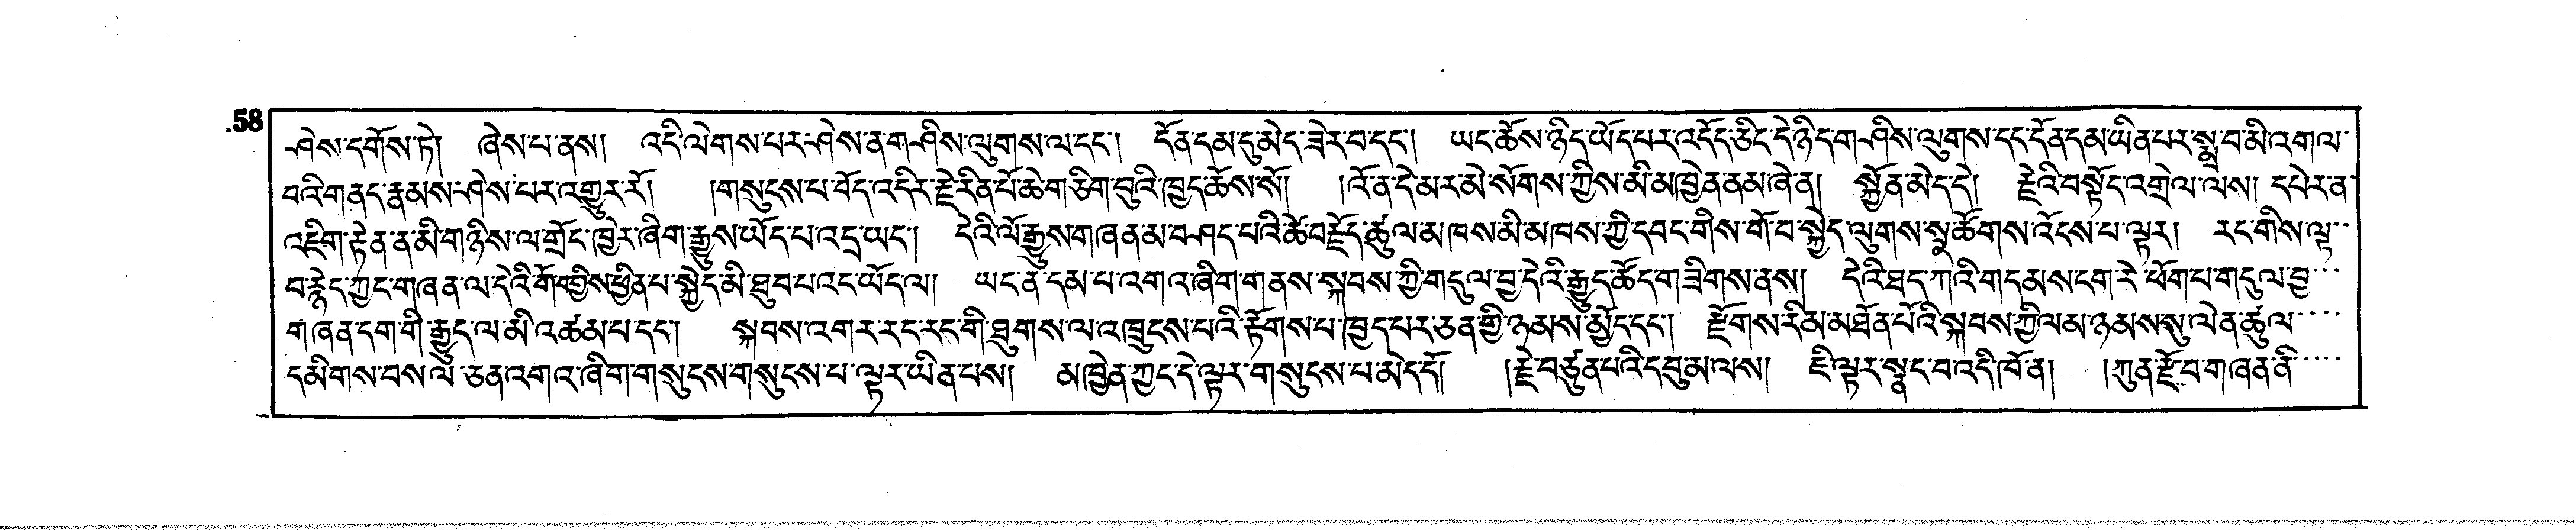ཤེས་དགོས་ཏེ། ཞེས་པ་ནས། འདི་ལེགས་པར་ཤེས་ན་གཤིས་ལུགས་ལ་དང་། དོན་དམ་དུ་མེད་ཟེར་བ་དང་། ཡང་ཆོས་ཉིད་ཡོད་པར་འདོད་ཅིང་དེ་ཉིད་གཤིས་ལུགས་དང་དོན་དམ་ཡིན་པར་སྨྲ་བ་མི་འགལ་
བའི་གནད་རྣམས་ཤེས་པར་འགྱུར་རོ། །གསུངས་པ་བོད་འདིར་རྗེ་རིན་པོ་ཆེ་གཅིག་བུའི་ཁྱད་ཆོས་སོ། །འོ་ན་དེ་མར་མེ་སོགས་ཀྱིས་མི་མཁྱེན་ནམ་ཞེ་ན། སྐྱོན་མེད་དེ། རྗེའི་བསྟོད་འགྲེལ་ལས། དཔེར་ན་
འཇིག་རྟེན་ན་མི་གཉིས་ལ་གྲོང་ཁྱེར་ཞིག་རྒྱུས་ཡོད་པ་འདྲ་ཡང་། དེའི་ལོ་རྒྱུས་གཞན་མ་བཤད་པའི་ཚེ་བརྗོད་ཚུལ་མཁས་མི་མཁས་ཀྱི་དབང་གིས་གོ་བ་སྐྱེད་ལུགས་སྣ་ཚོགས་འོངས་པ་ལྟར། རང་གིས་ལྟ་
བ་རྙེད་ཀྱང་གཞན་ལ་དེའི་གོ་བ་གྱིས་ཕྱིན་པ་སྐྱེད་མི་ཐུབ་པའང་ཡོད་ལ། ཡང་ན་དམ་པ་འགའ་ཞིག་གནས་སྐབས་ཀྱི་གདུལ་བྱ་དེའི་རྒྱུད་ཚོད་གཟིགས་ནས། དེའི་ཐད་ཀའི་གདམས་ངག་རེ་ཕོག་པ་གདུལ་བྱ་
གཞན་དག་གི་རྒྱུད་ལ་མི་འཚམ་པ་དང་། སྐབས་འགར་རང་རང་གི་ཐུགས་ལ་འཁྲུངས་པའི་རྟོགས་པ་ཁྱད་པར་ཅན་གྱི་ཉམས་མྱོང་དང་། རྫོགས་རིམ་མཐོན་པོའི་སྐབས་ཀྱི་ལམ་ཉམས་སུ་ལེན་ཚུལ་
དམིགས་བསལ་ཅན་འགའ་ཞིག་གསུངས་གསུངས་པ་ལྟར་ཡིན་པས། མཁྱེན་ཀྱང་དེ་ལྟར་གསུངས་པ་མེད་དོ། །རྗེ་བཙུན་པའི་དབུ་མ་ལས། ཇི་ལྟར་སྣང་བ་འདི་ཁོ་ན། །ཀུན་རྫོབ་གཞན་ནི་